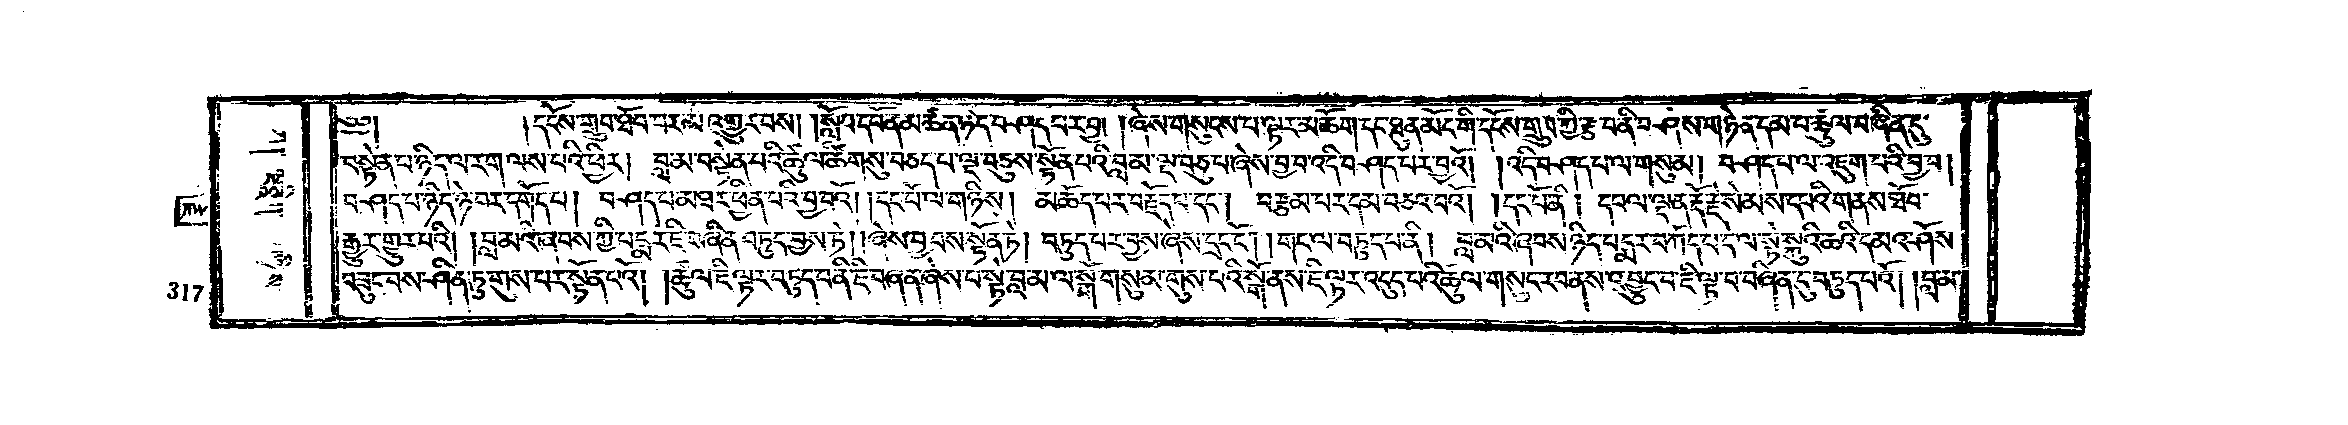༄༅། །དངོས་གྲུབ་ཐོབ་པར་མ་འགྱུར་བས། །སློབ་དཔོན་མཚན་ཉིད་བཤད་པར་བྱ། །ཞེས་གསུངས་པ་ལྟར་མཆོག་དང་ཐུན་མོང་གི་དངོས་གྲུབ་ཀྱི་རྩ་བ་ནི་བཤེས་གཉེན་དམ་པ་ཚུལ་བཞིན་དུ་
བསྟེན་པ་ཉིད་ལ་རག་ལས་པའི་ཕྱིར། བླ་མ་བསྟེན་པའི་ཚུལ་ཚེགས་སུ་བཅད་པ་ལྔ་བཅུས་སྟོན་པའི་བླ་མ་ལྔ་བཅུ་པ་ཞེས་བྱ་བ་འདི་བཤད་པར་བྱའོ། །འདི་བཤད་པ་ལ་གསུམ། བཤད་པ་ལ་འཇུག་པའི་བྱ་བ།
བཤད་པ་ཉིད་ཉེ་བར་དགོད་པ། བཤད་པ་མཐར་ཕྱིན་པའི་བྱ་བའོ། །དང་པོ་ལ་གཉིས། མཆོད་པར་བརྗོད་པ་དང་། བརྩམ་པར་དམ་བཅའ་བའོ། །དང་པོ་ནི། དཔལ་ལྡན་རྡོ་རྗེ་སེམས་དཔའི་གནས་ཐོབ་
རྒྱུར་གྱུར་པའི། །བླ་མའི་ཞབས་ཀྱི་པདམར་ཇི་བཞིན་བཏུད་བྱས་ཏེ། །ཞེས་བྱ་བས་སྟོན་ཏེ། བཏུད་པར་བྱས་ཞེས་དྲང་ངོ། །གང་ལ་བཏུད་པ་ནི། བླ་མའི་ཞབས་ཉིད་པདམར་བཀོད་པ་དེ་ལ་སྟེ་སྐུའི་ཆའི་དམའ་ཤོས་
བཟུང་བས་ཤིན་ཏུ་གུས་པར་སྟོན་པའོ། །ཚུལ་ཇི་ལྟར་བཏུད་པ་ནི་ཇི་བཞིན་ཞེས་པ་སྟེ་བླ་མ་ལ་སྒོ་གསུམ་གུས་པའི་སྒོ་ནས་ཇི་ལྟར་འདུད་པའི་ཚུལ་གསུང་རབ་ནས་འབྱུང་བ་ཇི་ལྟ་བ་བཞིན་དུ་བཏུད་པའོ། །བླ་མ་